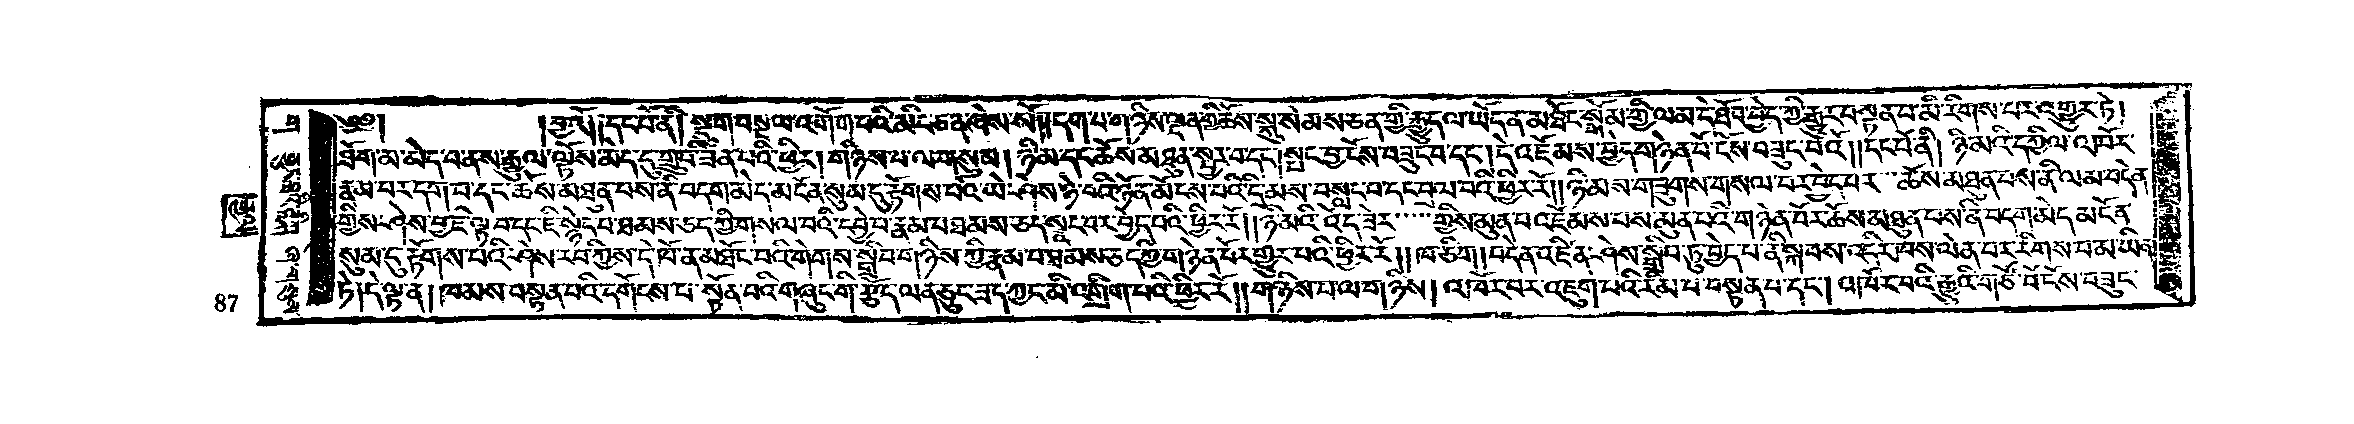༄༅། །བྱའོ། །དང་པོ་ནི། སྡུག་བསྔལ་འགོག་པའི་མིང་ཅན་ཞེས་སོ། །དག་པ་གཉིས་ལྡན་གྱི་ཆོས་སྐུ་སེམས་ཅན་གྱི་རྒྱུད་ལ་ཡོད་ན་མཐོང་སྒོམ་གྱི་ལམ་དེ་ཐོབ་བྱེད་ཀྱི་རྒྱུར་བསྟན་པ་མི་རིགས་པར་འགྱུར་ཏེ།
ཐོག་མ་མེད་པ་ནས་རྒྱུ་ལ་ལྟོས་མེད་དུ་གྲུབ་ཟིན་པའི་ཕྱིར། གཉིས་པ་ལ་གསུམ། ཉི་མ་དང་ཆོས་མཐུན་སྦྱར་བ་དང་། སྤང་བྱ་ངོས་བཟུང་བ་དང་། དེ་འཇོམས་བྱེད་གཉེན་པོ་ངོས་བཟུང་བའོ། །དང་པོ་ནི། ཉི་མའི་དཀྱིལ་འཁོར་
རྣམ་པར་དག་པ་དང་ཆོས་མཐུན་པས་ནི་བདག་མེད་མངོན་སུམ་དུ་རྟོགས་པའི་ཡེ་ཤེས་ཉེ་བའི་ཉོན་མོངས་པའི་དྲི་མས་བསླང་བ་དང་བྲལ་བའི་ཕྱིར་རོ། །ཉི་མས་གཟུགས་གསལ་བར་བྱེད་པར་ཆོས་མཐུན་པས་ནི་ལམ་བདེན་
གྱིས་ཤེས་བྱ་ཇི་ལྟ་བ་དང་ཇི་སྙེད་པ་ཐམས་ཅད་ཀྱི་གསལ་བའི་དབྱེ་བ་རྣམ་པ་ཐམས་ཅད་སྣང་བར་བྱེད་པའི་ཕྱིར་རོ། །ཉི་མའི་འོད་ཟེར་གྱིས་མུན་པ་འཇོམས་པས་མུན་པའི་གཉེན་པོར་ཆོས་མཐུན་པས་ནི་བདག་མེད་པ་མངོན་
སུམ་དུ་རྟོགས་པའི་ཤེས་རབ་ཀྱིས་དེ་ཁོ་ན་མཐོང་བའི་གེགས་སྒྲིབ་གཉིས་ཀྱི་རྣམ་པ་ཐམས་ཅད་ཀྱི་གཉེན་པོར་གྱུར་པའི་ཕྱིར་རོ། །ཁ་ཅིག། བདེན་འཛིན་ཤེས་སྒྲིབ་ཏུ་བྱེད་པ་ནི་སྐབས་འདིར་ཁས་ལེན་པར་རིགས་པ་མ་ཡིན་
ཏེ། དེ་ལྟ་ན། ཁམས་བསྟན་པའི་དགོངས་པ་སྟོན་པའི་གཞུང་གི་རྩོད་ལན་ཅུང་ཟད་ཀྱང་མི་འགྲིག་པའི་ཕྱིར་རོ། །གཉིས་པ་ལ་གཉིས། འཁོར་བར་འཇུག་པའི་རིམ་པ་བསྟན་པ་དང་། འཁོར་བའི་རྒྱུའི་གཙོ་བོ་ངོས་བཟུང་